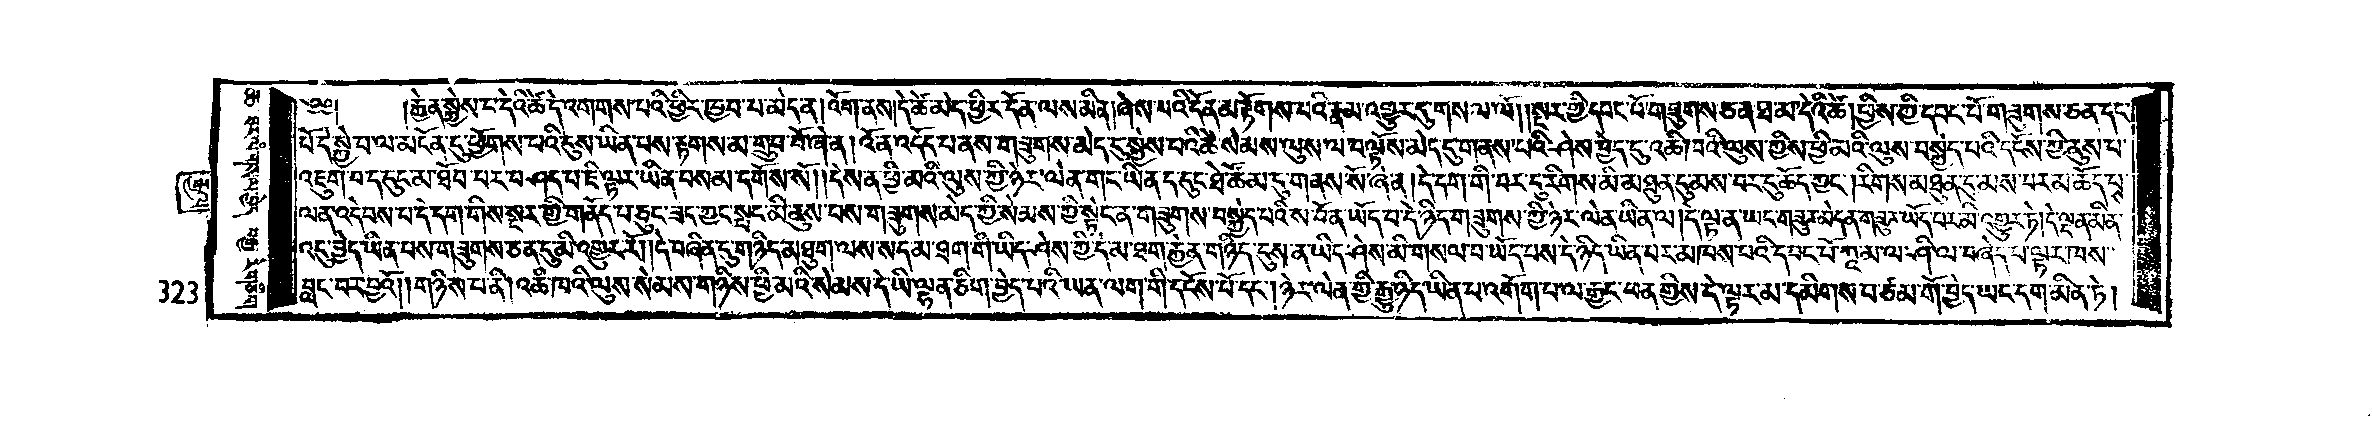༄༅། །རྐྱེན་སྐྱེས་པ་དེའི་ཚེ་དེ་འགགས་པའི་ཕྱིར་ཁྱབ་པ་མེད་ན། འོག་ནས། དེ་ཚེ་མེད་ཕྱིར་དོན་ལས་མིན། ཞེས་པའི་དོན་མ་རྟོགས་པའི་རྣམ་འགྱུར་དུ་གསལ་ལོ། །སྔར་གྱི་དབང་པོ་གཟུགས་ཅན་ཐ་མ་དེའི་ཚེ། ཕྱིས་ཀྱི་དབང་པོ་གཟུགས་ཅན་དང་
པོ་དེ་སྐྱེ་བ་ལ་མངོན་དུ་ཕྱོགས་པའི་དུས་ཡིན་པས་རྟགས་མ་གྲུབ་བོ་ཞེ་ན། འོ་ན་འདོད་པ་ནས་གཟུགས་མེད་དུ་སྐྱེས་པའི་ཚེ་སེམས་ལུས་ལ་བལྟོས་མེད་དུ་གནས་པའི་ཤེས་བྱེད་དུ་འཆི་ཁའི་ལུས་ཀྱིས་ཕྱི་མའི་ལུས་བསྐྱེད་པའི་དངོས་ཀྱི་ནུས་པ་
འཇུག་པ་ད་དུང་མ་ཐོབ་པར་བཤད་པ་ཇི་ལྟར་ཡིན་བསམ་དགོས་སོ། །དེས་ན་ཕྱི་མའི་ལུས་ཀྱི་ཉེར་ལེན་གང་ཡིན་ད་དུང་ཐེ་ཚོམ་དུ་གནས་སོ་ཞེ་ན། དེ་དག་གི་བར་དུ་རིགས་མི་མཐུན་དུ་མས་བར་དུ་ཆོད་ཀྱང་། རིགས་མཐུན་དུ་མས་བར་མ་ཆོད་པས་
ལན་འདེབས་པ་དེ་དག་གིས་སྔར་གྱི་གནོད་པ་ཅུང་ཟད་ཀྱང་སྤང་མི་ནུས་པས་གཟུགས་མེད་ཀྱི་སེམས་ཀྱི་སྟེང་ན་གཟུགས་བསྐྱེད་པའི་ས་བོན་ཡོད་པ་དེ་ཉིད་གཟུགས་ཀྱི་ཉེར་ལེན་ཡིན་ལ། དེ་ལྟ་ན་ཡང་གཟུགས་མེད་ན་གཟུགས་ཡོད་པར་མི་འགྱུར་ཏེ། དེ་ལྡན་མིན་
འདུ་བྱེད་ཡིན་པས་གཟུགས་ཅན་དུ་མི་འགྱུར་རོ། །དེ་བཞིན་དུ་གཉིད་མཐུག་ལས་སད་མ་ཐག་གི་ཡིད་ཤེས་ཀྱི་དེ་མ་ཐག་རྐྱེན་གཉིད་དུས་ན་ཡིད་ཤེས་མི་གསལ་བ་ཡོད་པས་དེ་ཉིད་ཡིན་པར་མཁས་པའི་དབང་པོ་ཀཱ་མ་ལ་ཤི་ལ་བཞེད་པ་ལྟར་ཁས་
བླང་བར་བྱའོ། །གཉིས་པ་ནི། འཆི་ཁའི་ལུས་སེམས་གཉིས་ཕྱི་མའི་སེམས་དེ་ཡི་ལྷན་ཅིག་བྱེད་པའི་ཡན་ལག་གི་དངོས་པོ་དང་། ཉེར་ལེན་གྱི་རྒྱུ་ཉིད་ཡིན་པ་འགོག་པ་ལ་རྒྱང་ཕན་གྱིས་དེ་ལྟར་མ་དམིགས་པ་ཙམ་གོ་བྱེད་ཡང་དག་མིན་ཏེ།